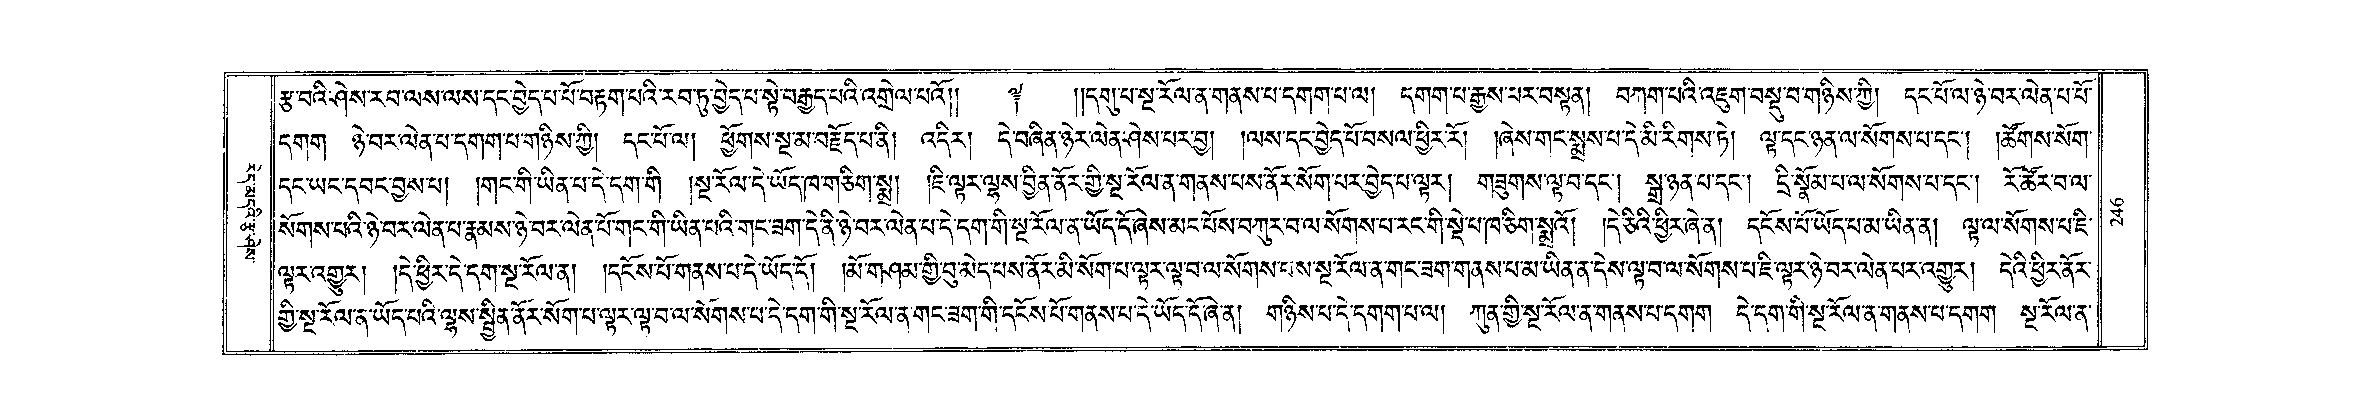རྩ་བའི་ཤེས་རབ་ལས་ལས་དང་བྱེད་པ་པོ་བརྟག་པའི་རབ་ཏུ་བྱེད་པ་སྟེ་བརྒྱད་པའི་འགྲེལ་པའོ།། ༈ །།དགུ་པ་སྔ་རོལ་ན་གནས་པ་དགག་པ་ལ། དགག་པ་རྒྱས་པར་བསྟན། བཀག་པའི་འཇུག་བསྡུ་བ་གཉིས་ཀྱི། དང་པོ་ལ་ཉེ་བར་ལེན་པ་པོ་
དགག་ཉེ་བར་ལེན་པ་དགག་པ་གཉིས་ཀྱི། དང་པོ་ལ། ཕྱོགས་སྔ་མ་བརྗོད་པ་ནི། འདིར། དེ་བཞིན་ཉེར་ལེན་ཤེས་པར་བྱ། །ལས་དང་བྱེད་པོ་བསལ་ཕྱིར་རོ། །ཞེས་གང་སྨྲས་པ་དེ་མི་རིགས་ཏེ། ལྟ་དང་ཉན་ལ་སོགས་པ་དང་། །ཚོགས་སོག་
དང་ཡང་དབང་བྱས་པ། །གང་གི་ཡིན་པ་དེ་དག་གི །སྔ་རོལ་དེ་ཡོད་ཁ་གཅིག་སྨྲ། །ཇི་ལྟར་ལྷས་བྱིན་ནོར་གྱི་སྔ་རོལ་ན་གནས་པས་ནོར་སོག་པར་བྱེད་པ་ལྟར། གཟུགས་ལྟ་བ་དང་། སྒྲ་ཉན་པ་དང་། དྲི་སྣོམ་པ་ལ་སོགས་པ་དང་། རོ་ཚོར་བ་ལ་
སོགས་པའི་ཉེ་བར་ལེན་པ་རྣམས་ཉེ་བར་ལེན་པོ་གང་གི་ཡིན་པའི་གང་ཟག་དེ་ནི་ཉེ་བར་ལེན་པ་དེ་དག་གི་སྔ་རོལ་ན་ཡོད་དོ་ཞེས་མང་པོས་བཀུར་བ་ལ་སོགས་པ་རང་གི་སྡེ་པ་ཁ་ཅིག་སྨྲའོ། །དེ་ཅིའི་ཕྱིར་ཞེ་ན། དངོས་པོ་ཡོད་པ་མ་ཡིན་ན། ལྟ་ལ་སོགས་པ་ཇི་
ལྟར་འགྱུར། །དེ་ཕྱིར་དེ་དག་སྔ་རོལ་ན། །དངོས་པོ་གནས་པ་དེ་ཡོད་དོ། །མོ་གཤམ་གྱི་བུ་མེད་པས་ནོར་མི་སོག་པ་ལྟར་ལྟ་བ་ལ་སོགས་པས་སྔ་རོལ་ན་གང་ཟག་གནས་པ་མ་ཡིན་ན་དེས་ལྟ་བ་ལ་སོགས་པ་ཇི་ལྟར་ཉེ་བར་ལེན་པར་འགྱུར། དེའི་ཕྱིར་ནོར་
གྱི་སྔ་རོལ་ན་ཡོད་པའི་ལྷས་སྦྱིན་ནོར་སོག་པ་ལྟར་ལྟ་བ་ལ་སོགས་པ་དེ་དག་གི་སྔ་རོལ་ན་གང་ཟག་གི་དངོས་པོ་གནས་པ་དེ་ཡོད་དོ་ཞེ་ན། གཉིས་པ་དེ་དགག་པ་ལ། ཀུན་གྱི་སྔ་རོལ་ན་གནས་པ་དགག་དེ་དག་གི་སྔ་རོལ་ན་གནས་པ་དགག་སྔ་རོལ་ན་